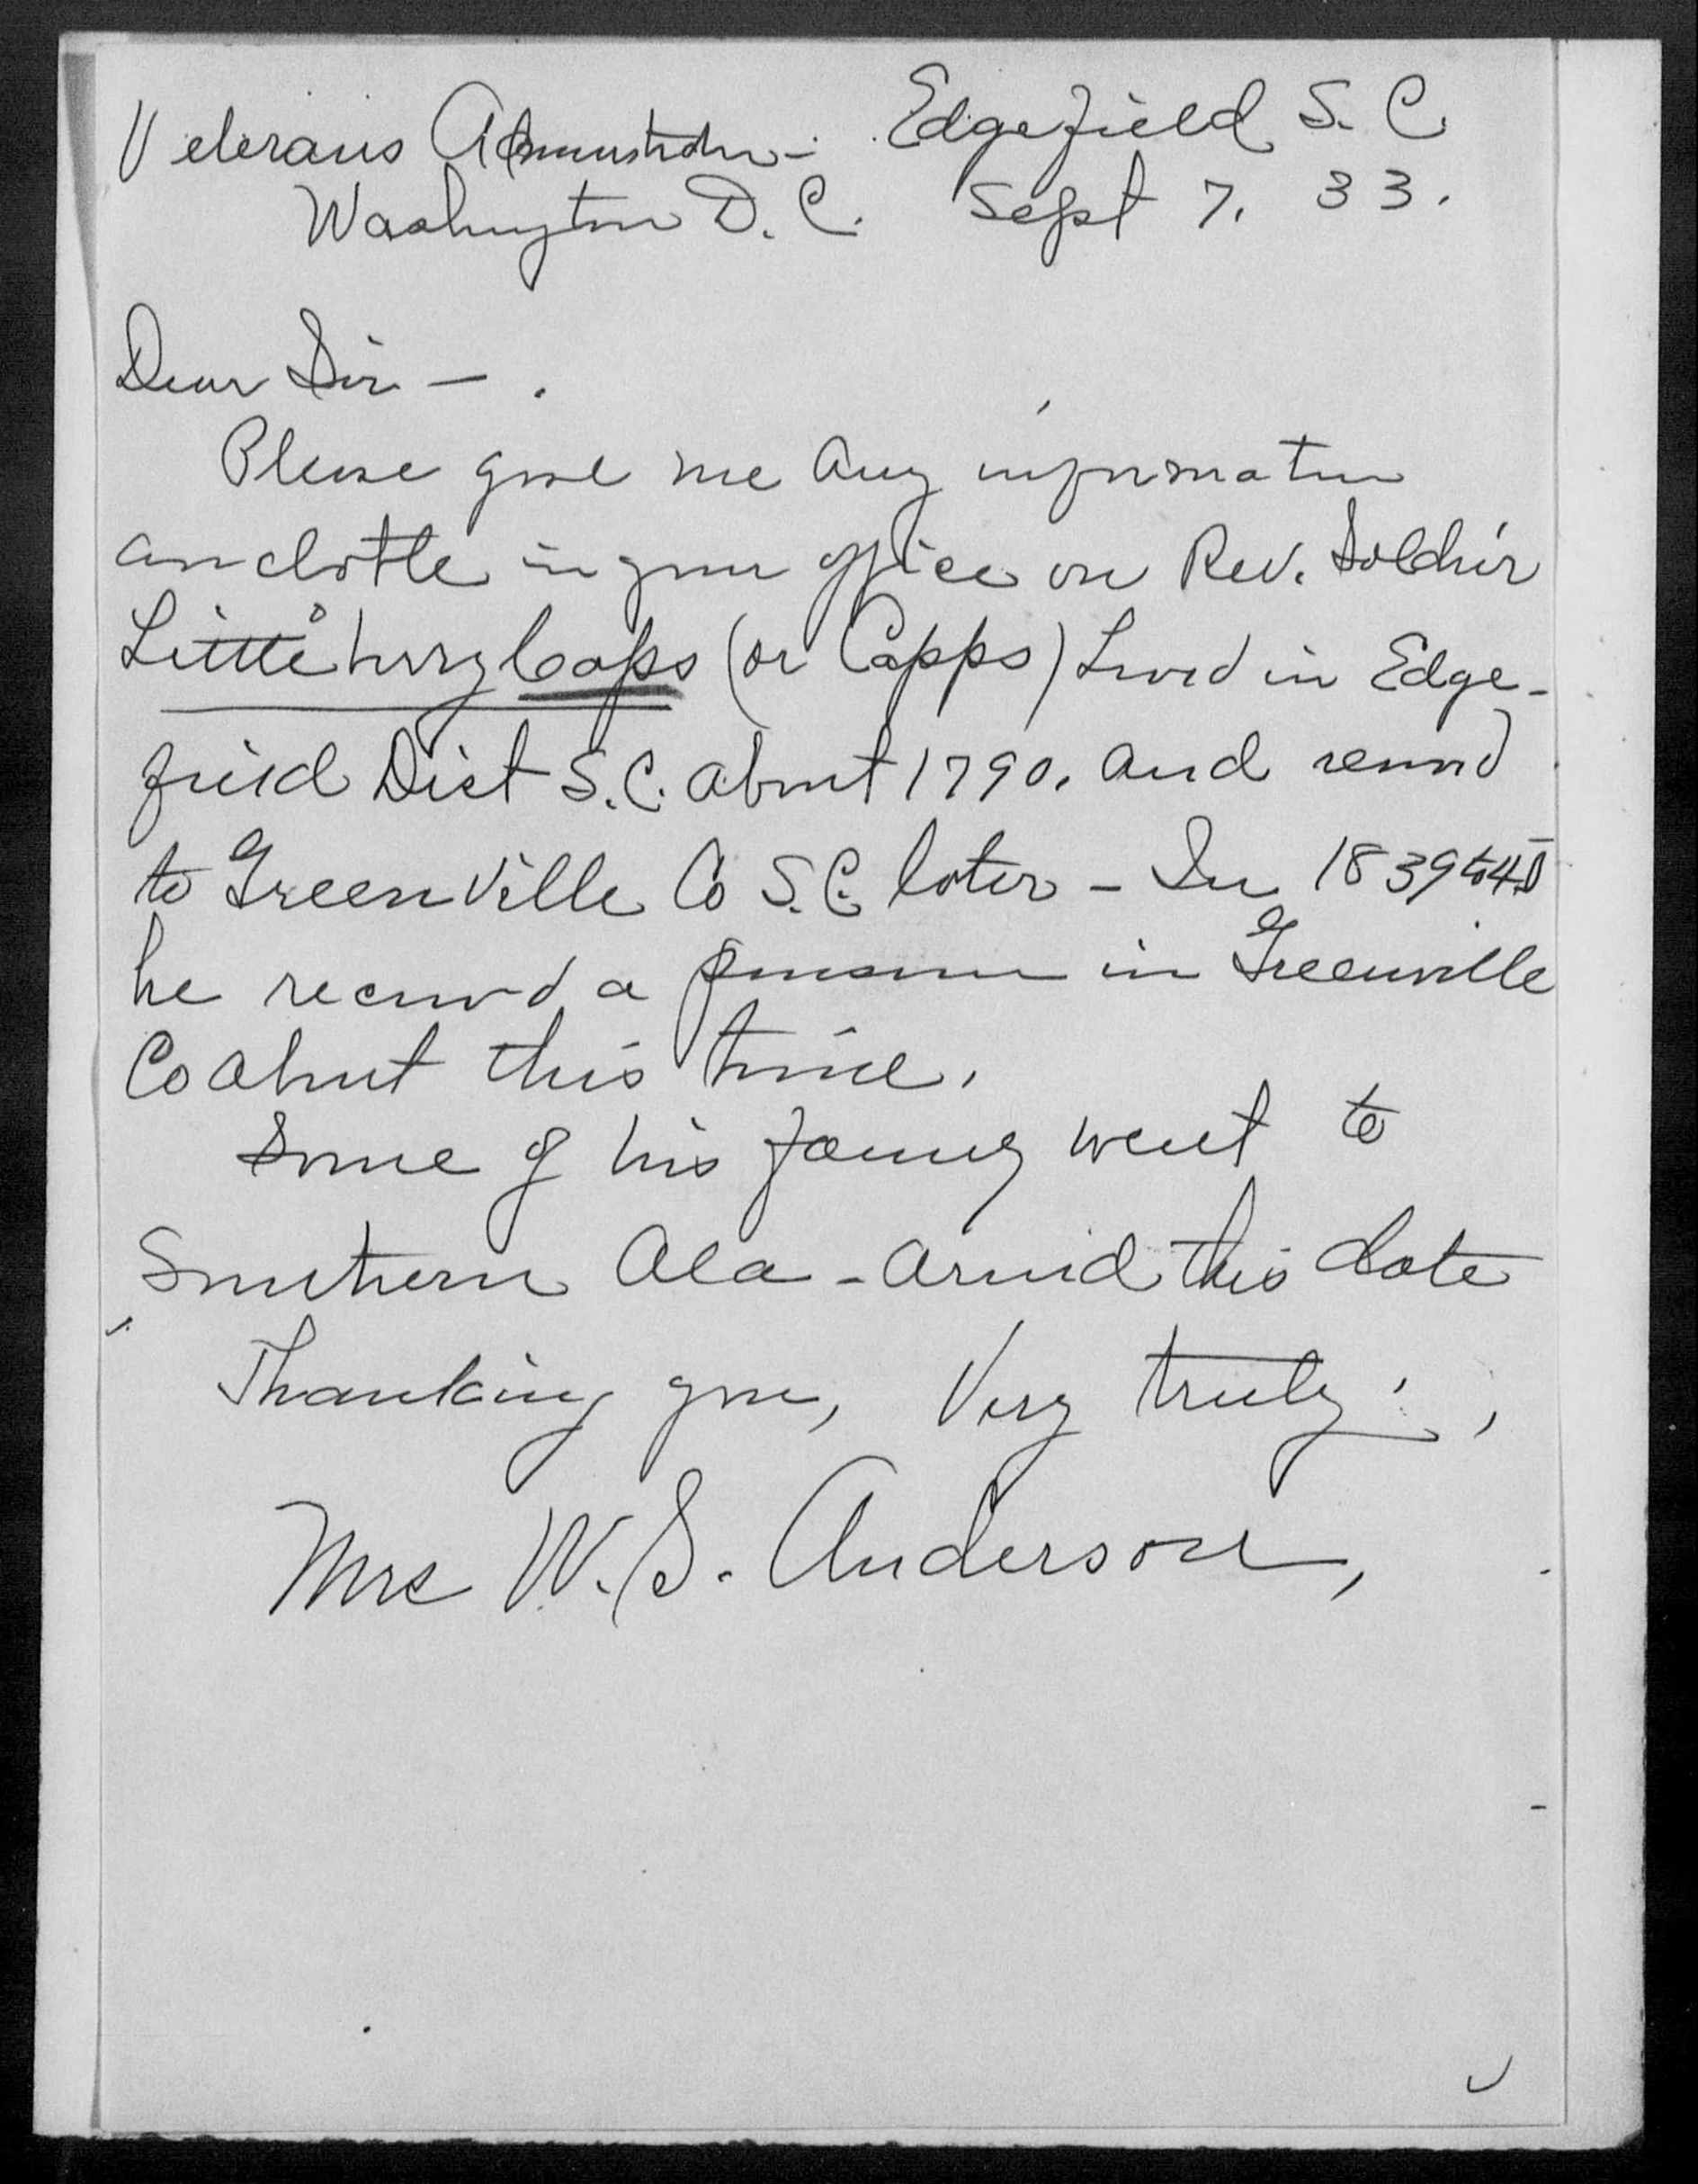Edgefield S.C. Sept. 7, 33. Veterans Administration Washington D.C.  Dear Sir- Pleas give me any  information .. ( illegible ) in your office on Rev. Soldier ( Littleberry Caps) ( underscored ) lived in Edgefield Dist S.C . about 1790 , and removed to Greenville Co. S.C. later - In 1839 to 40 he received a pension in Greenville Co about this time. Some of his family went to  Southern Ala - around this dat Thanking you  , Very truly, Mrs. W. S. Anderson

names: Littlebury Capps, W S Anderson, Littlebury Caps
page: 21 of 26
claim: survivor's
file: S. 21105, Greenbery Caps, S.C.